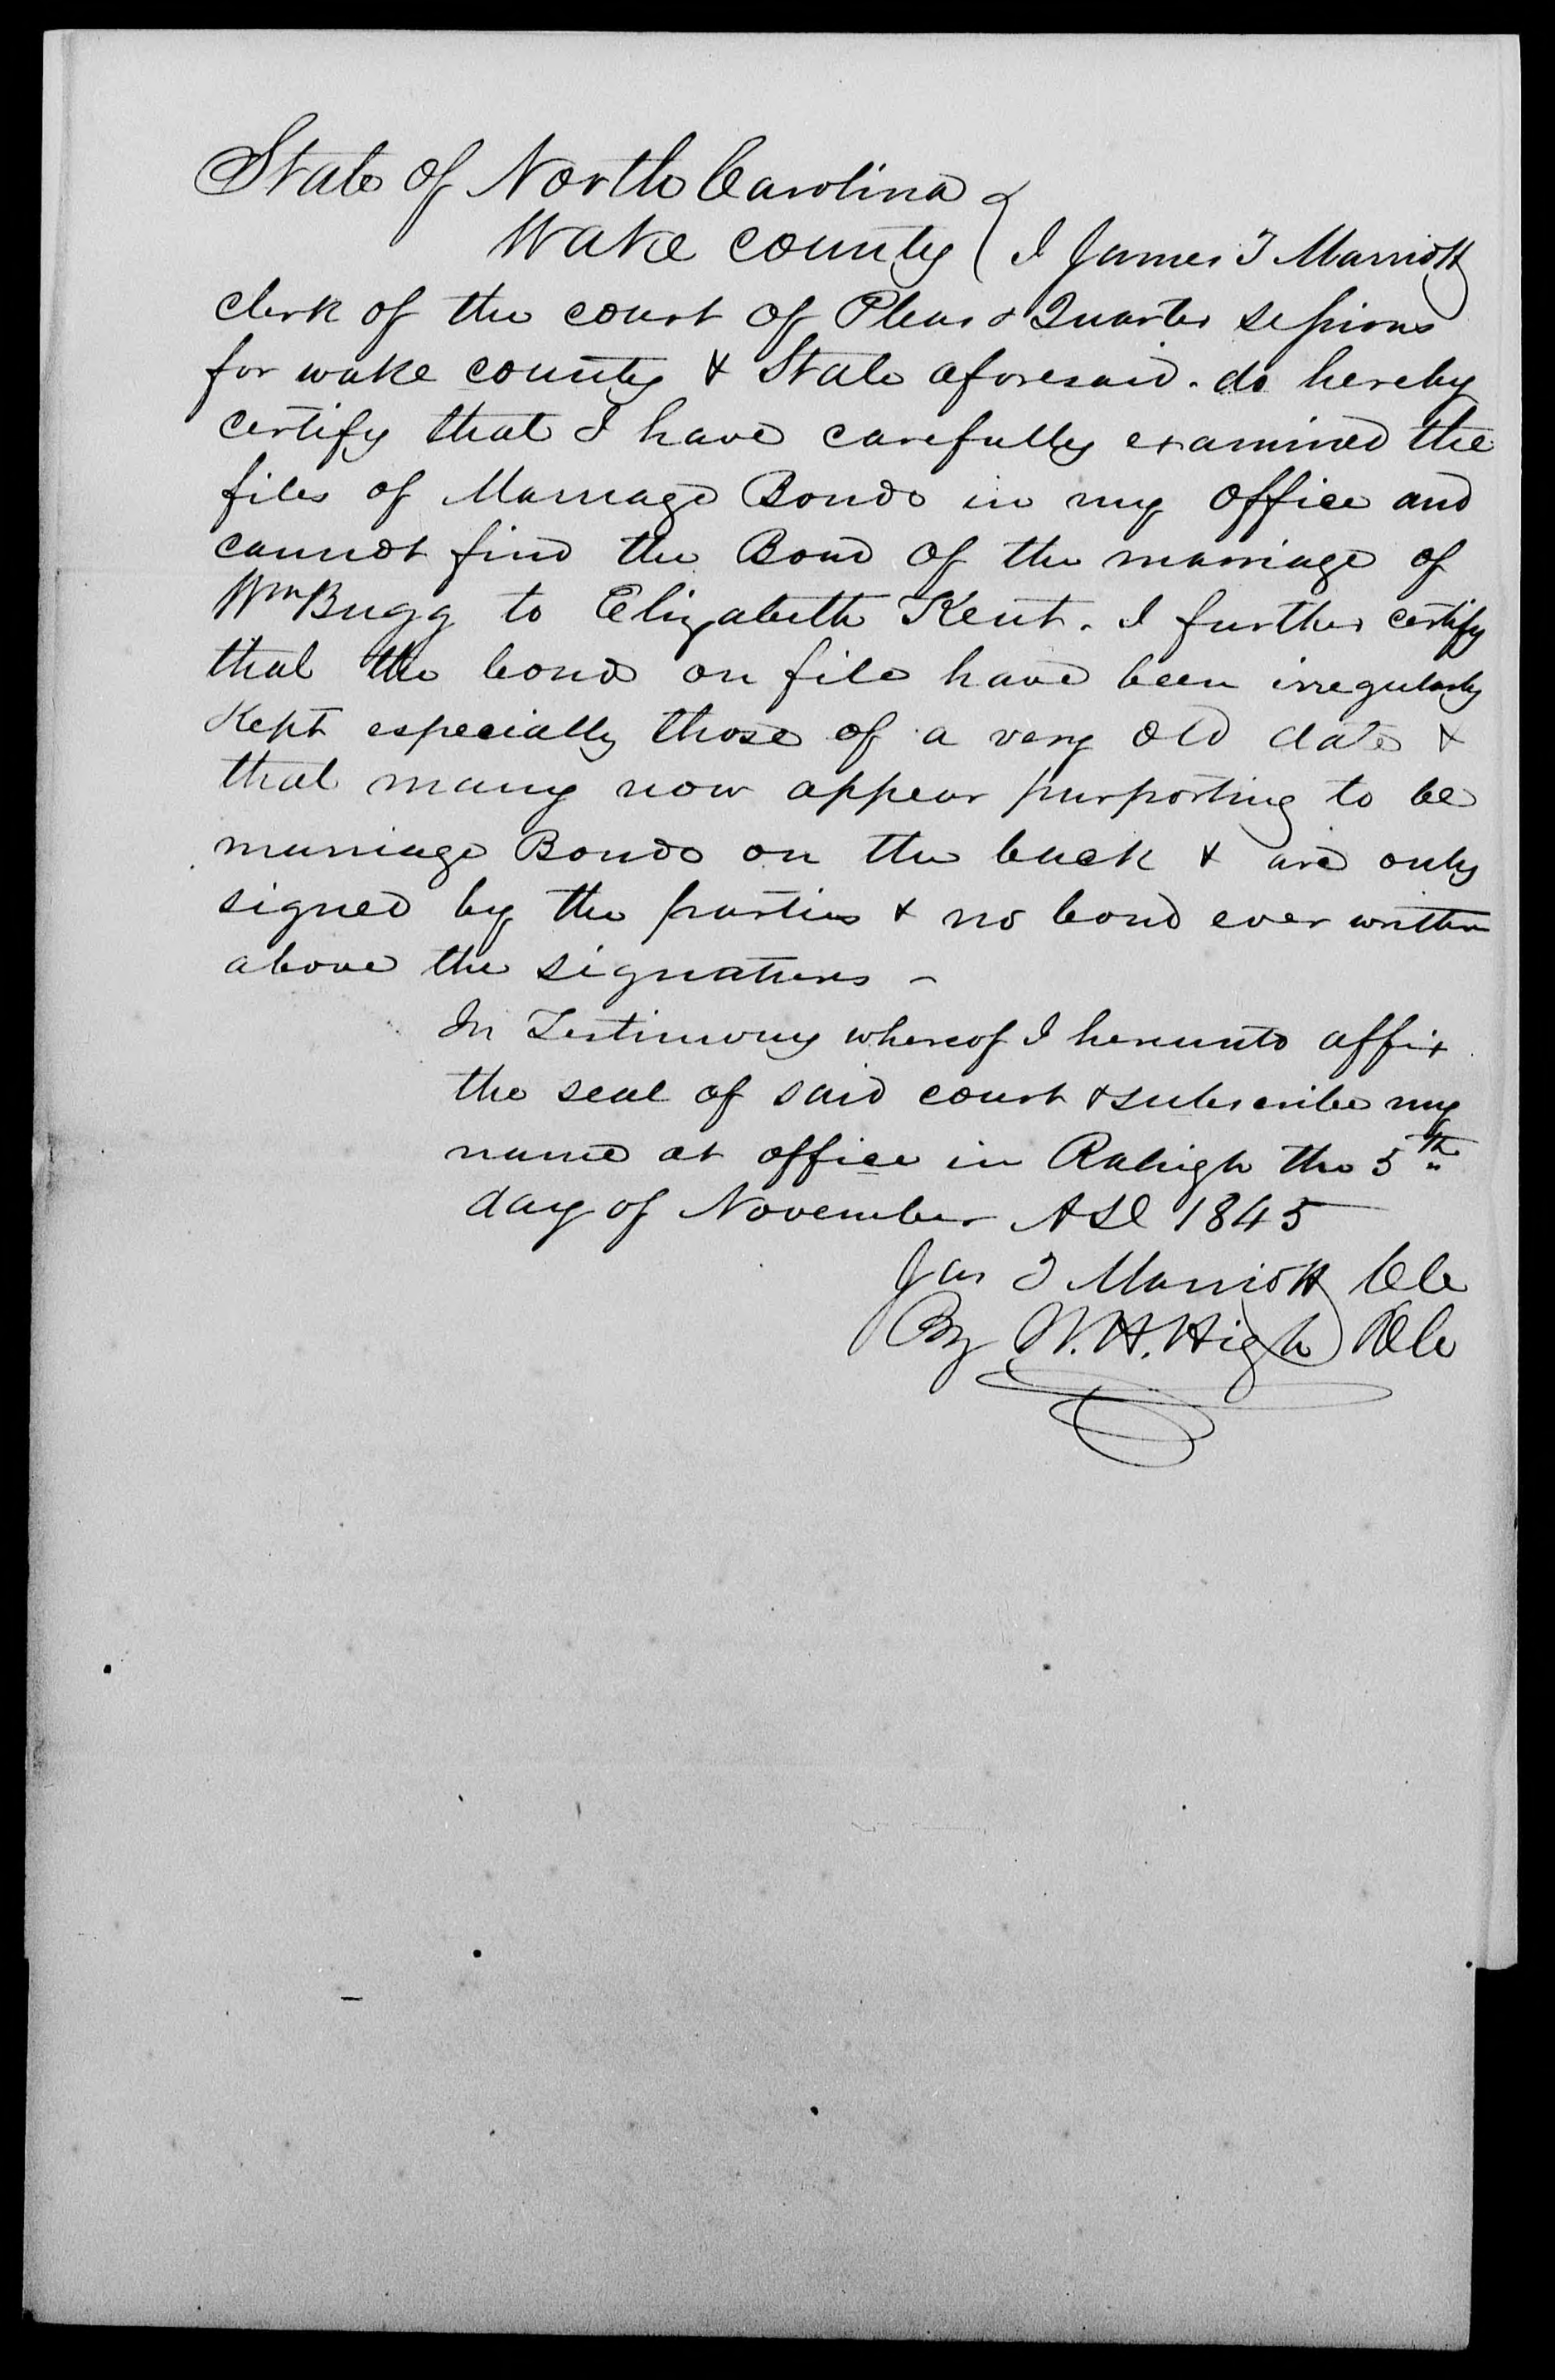State of North Carolina)
Wake County)  I  James T Marriott clerk of the court of Pleas & Quarter sessions for wake county & State aforesaid.  do hereby certify that I have carefully examined the files of Marriage Bonds in my office and cannot find the Bond of the marriage of Wm Bugg to Elizabeth Kent.  I further certify that the bond on file have been irregularly Kept especially those of a very old date & that many now appear purporting to be marriage Bonds on the back & are only signed by the parties & no bond ever written above the signatures - 

In Testimony whereof I hereunto affix the seal of said court & subscribe my name at office in Raleigh the [or this] 5th day of November AD 1845

Jas T Marriott Cle [Clerk]
By [here there is flowing script, with the first two letters difficult to read for certain, but they might be N. H. or W. H.] High Cle [probably meaning Clerk] [flourish]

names: Jas T Marriott, Elizabeth Kent, W H High, Wm Bugg, James T Marriott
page: 39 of 50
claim: widow's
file: W. 898, William Bugg, N.C.